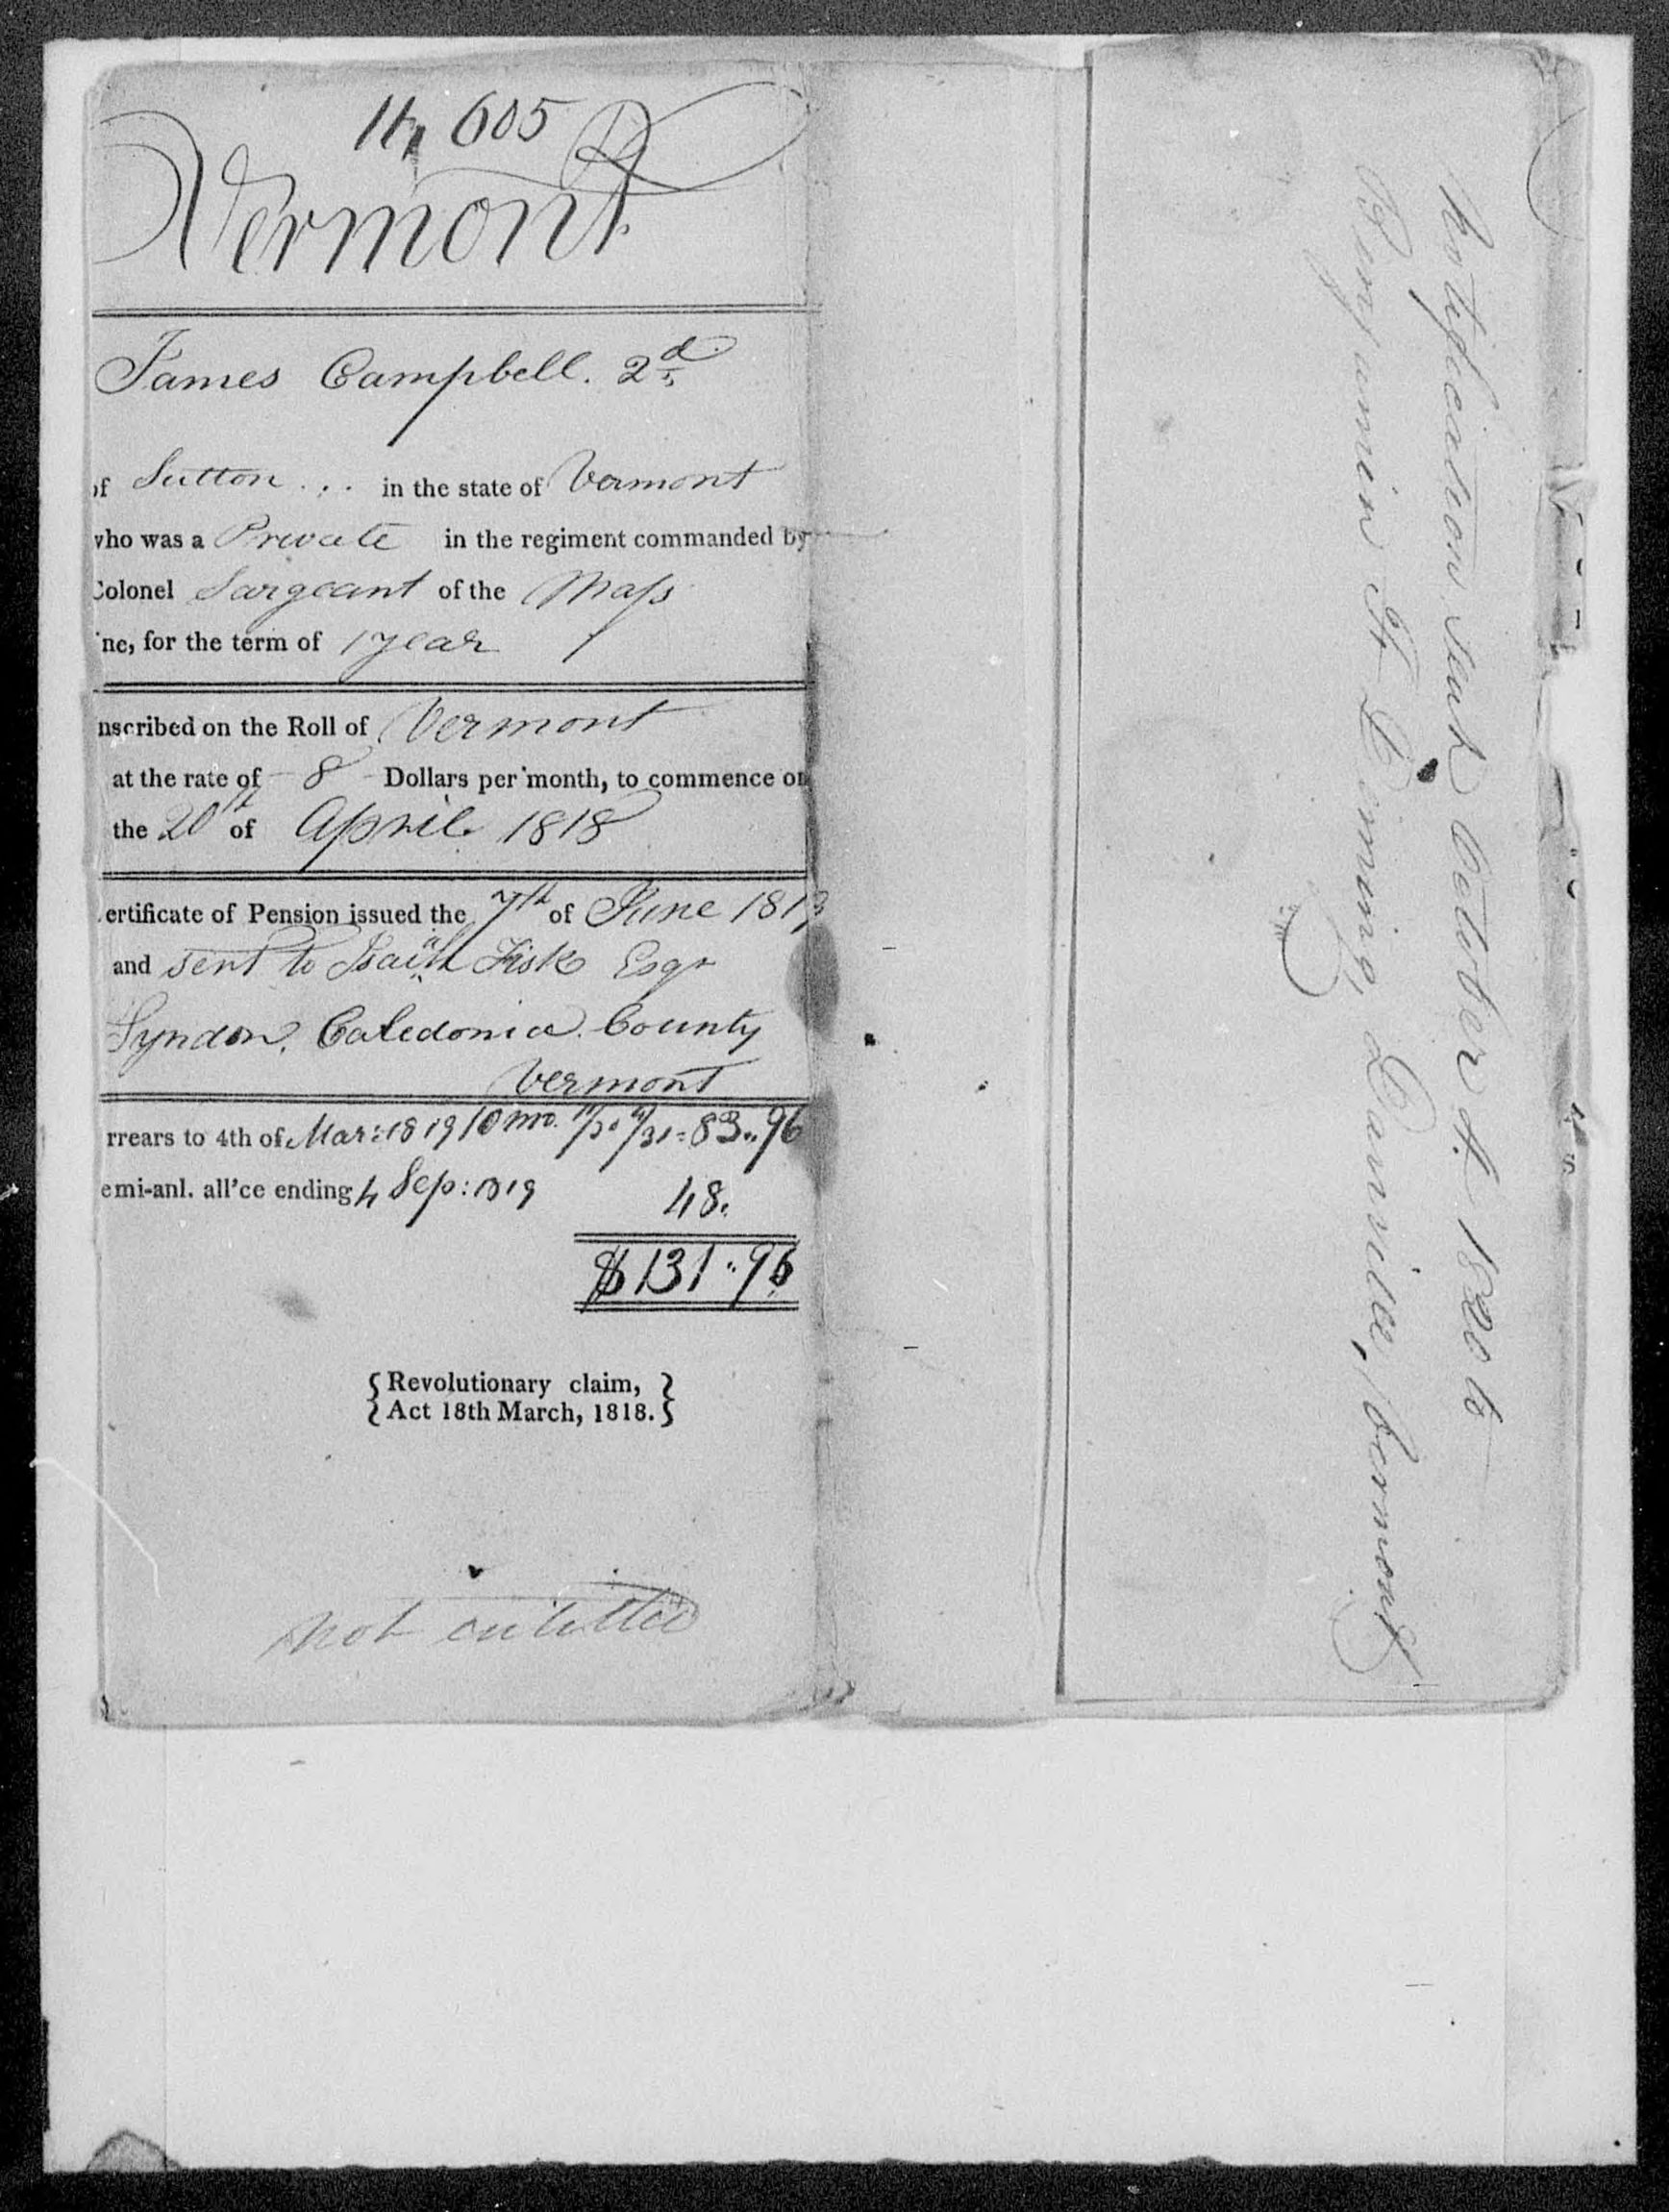16,605
Vermont.

James Campbell. 2d
Sutton in the State of Vermont
who was a Private in the regiment commanded by Colonel Sargeant of the Mass
line, for the term of 1 year

Inscribed on the Roll of Vermont
at the rate of 8 Dollars per month, to commence on the 20th of April 1818

Certificate of Pension issued the 7th of June 1819 and sent to Isaiah Fisk Esqr
Lyndon, Caledonia County
Vermont

Arrears to 4th of Mar: 1919 10mo. "/20h/31= 
                                                                83..96
Semi-anl. all'ce ending 4 Sep. 1819        48.
                                                                 _______
                                                             $131..96

{Revolutionary claim,
Act 18th March, 1818.}

not entitled

Notification sent October 4. 1820 to
Benjamin F Deming, Danville, Vermont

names: James Campbell, Sargeant, Isaiah Fisk, Benjamin F Deming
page: 2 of 67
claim: widow's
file: W. 23772, James Campbell, Continental Mass.